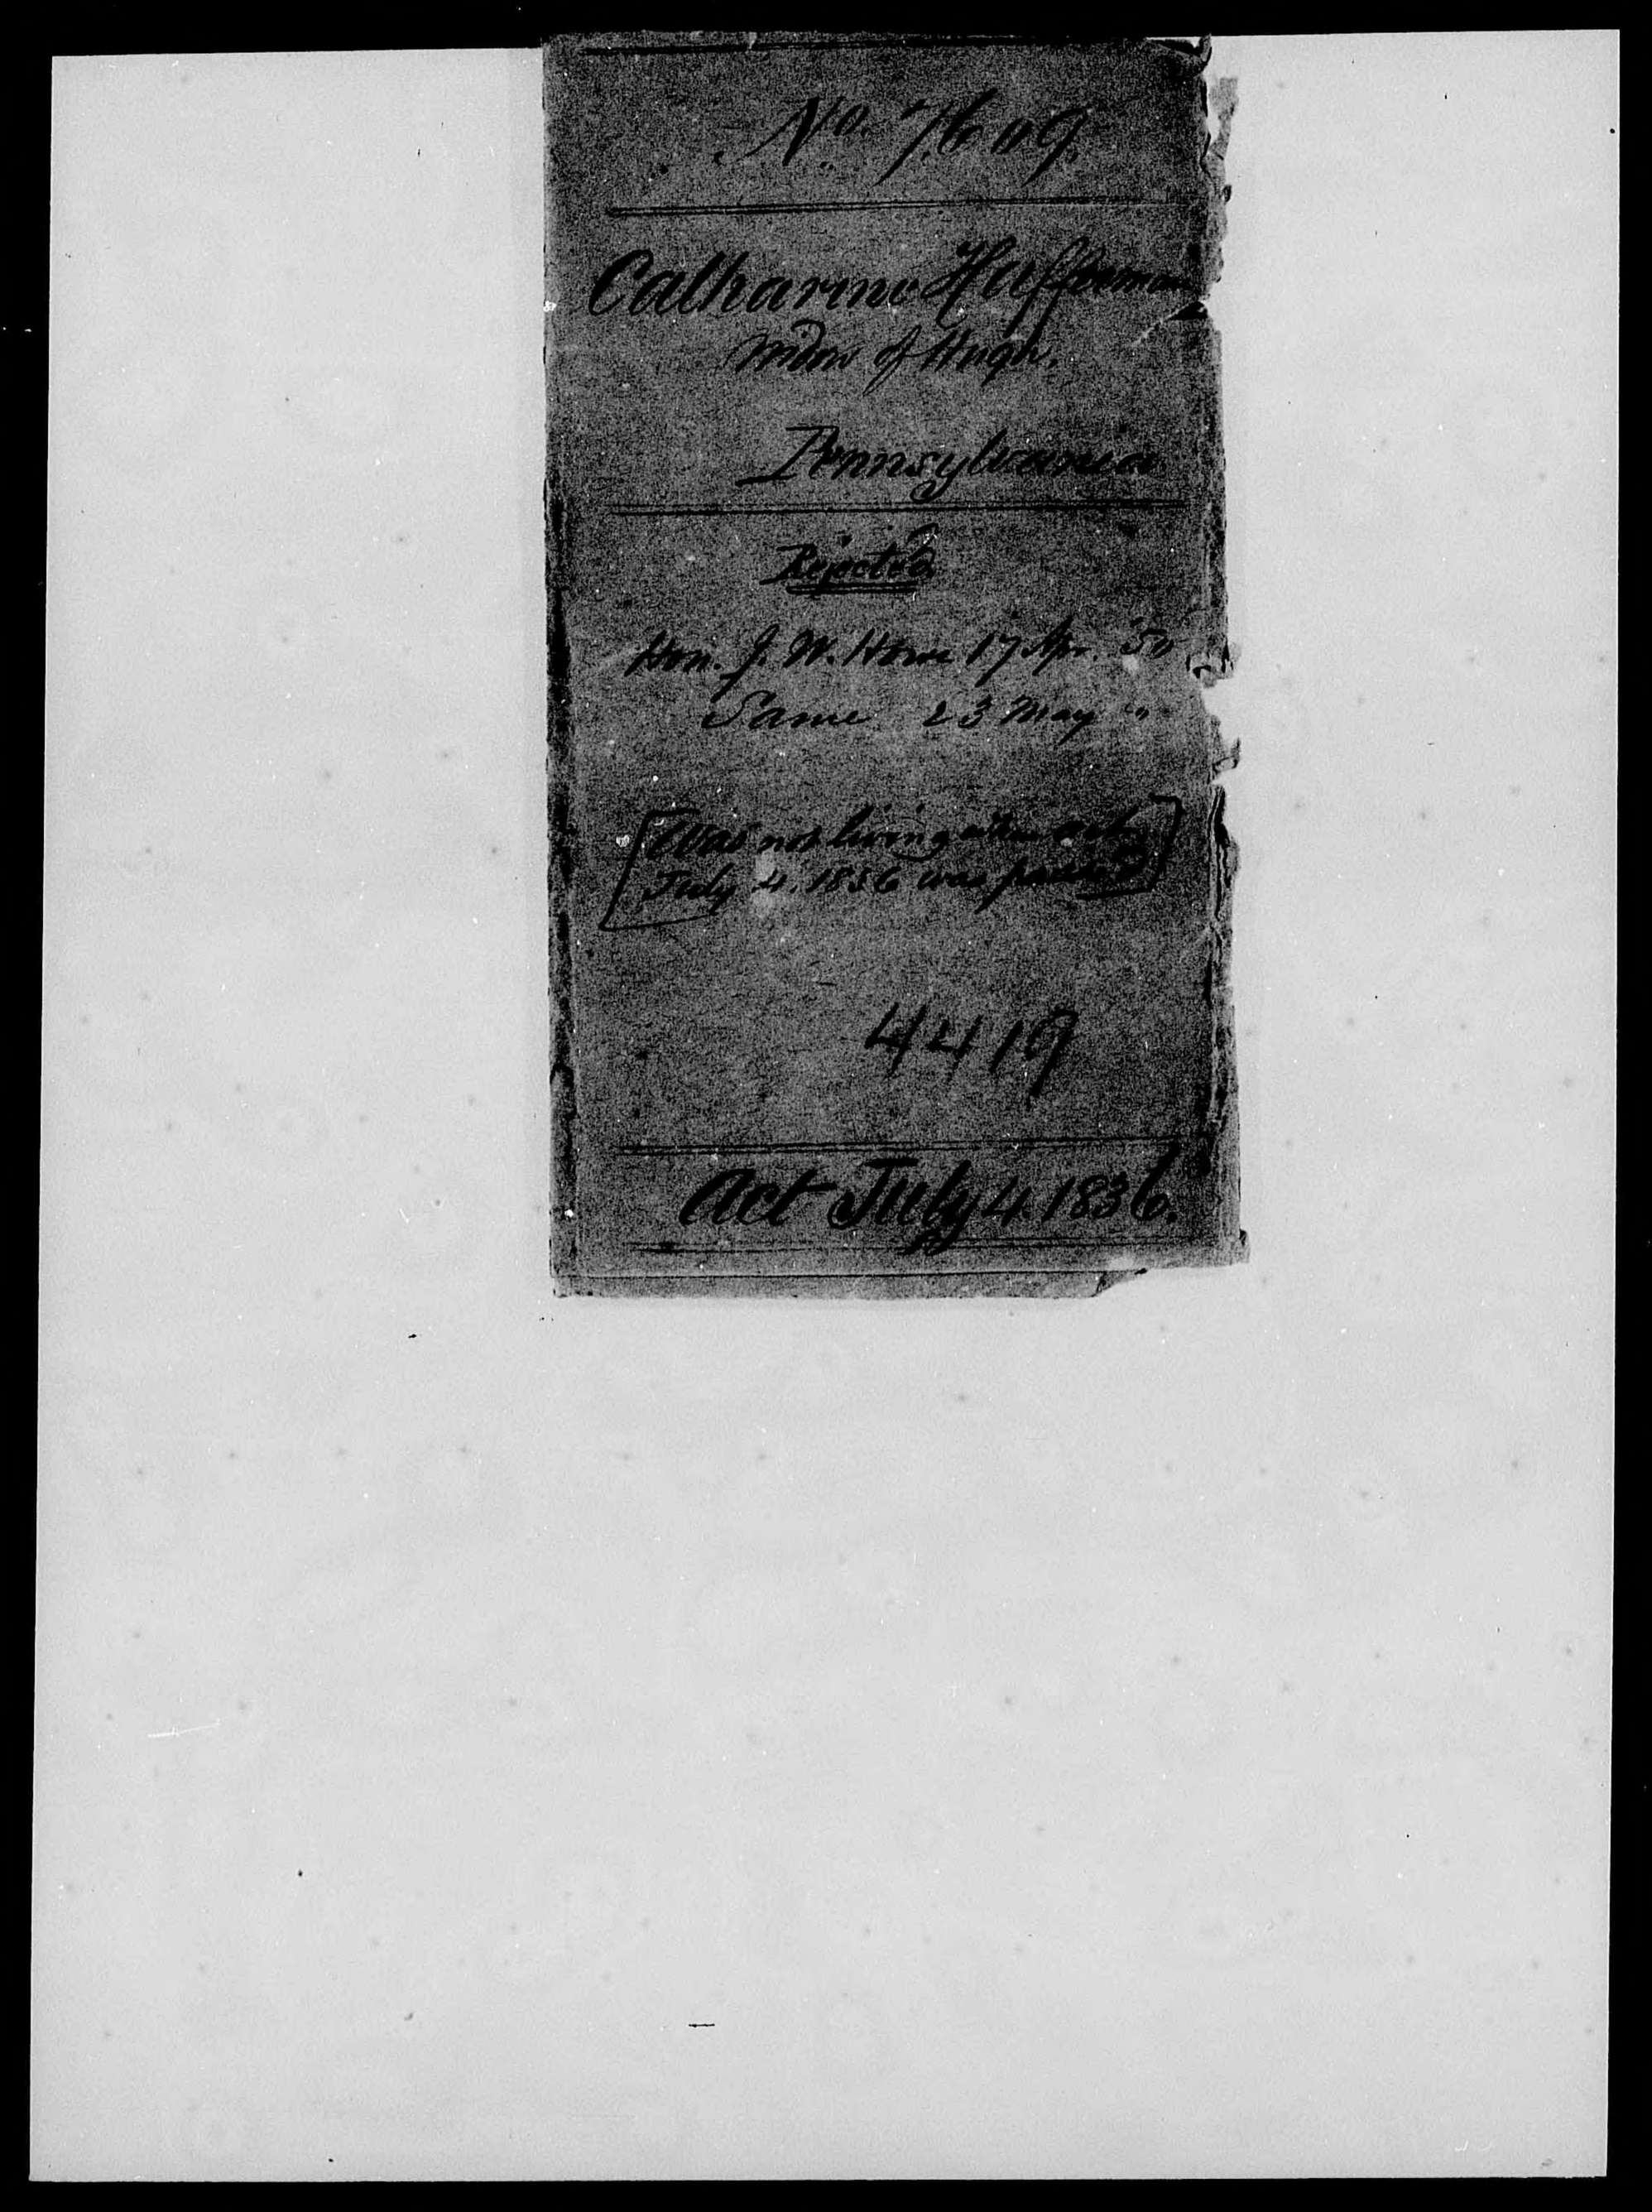No. 7609
Catherine Hufferman
Widow of Hugh
Pennsylvania

Rejected
Hon. J. W. Howe 17th Apr. '50
same 23 May [illegible]

[was not living at the [illegible] July 4, 1856 was passed

4419

Act July 4, 1836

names: J W Howe, Hugh Haffernan, Catharine Haffernan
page: 13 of 21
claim: rejected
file: R. 4419, Hugh Haffernan, Penn.